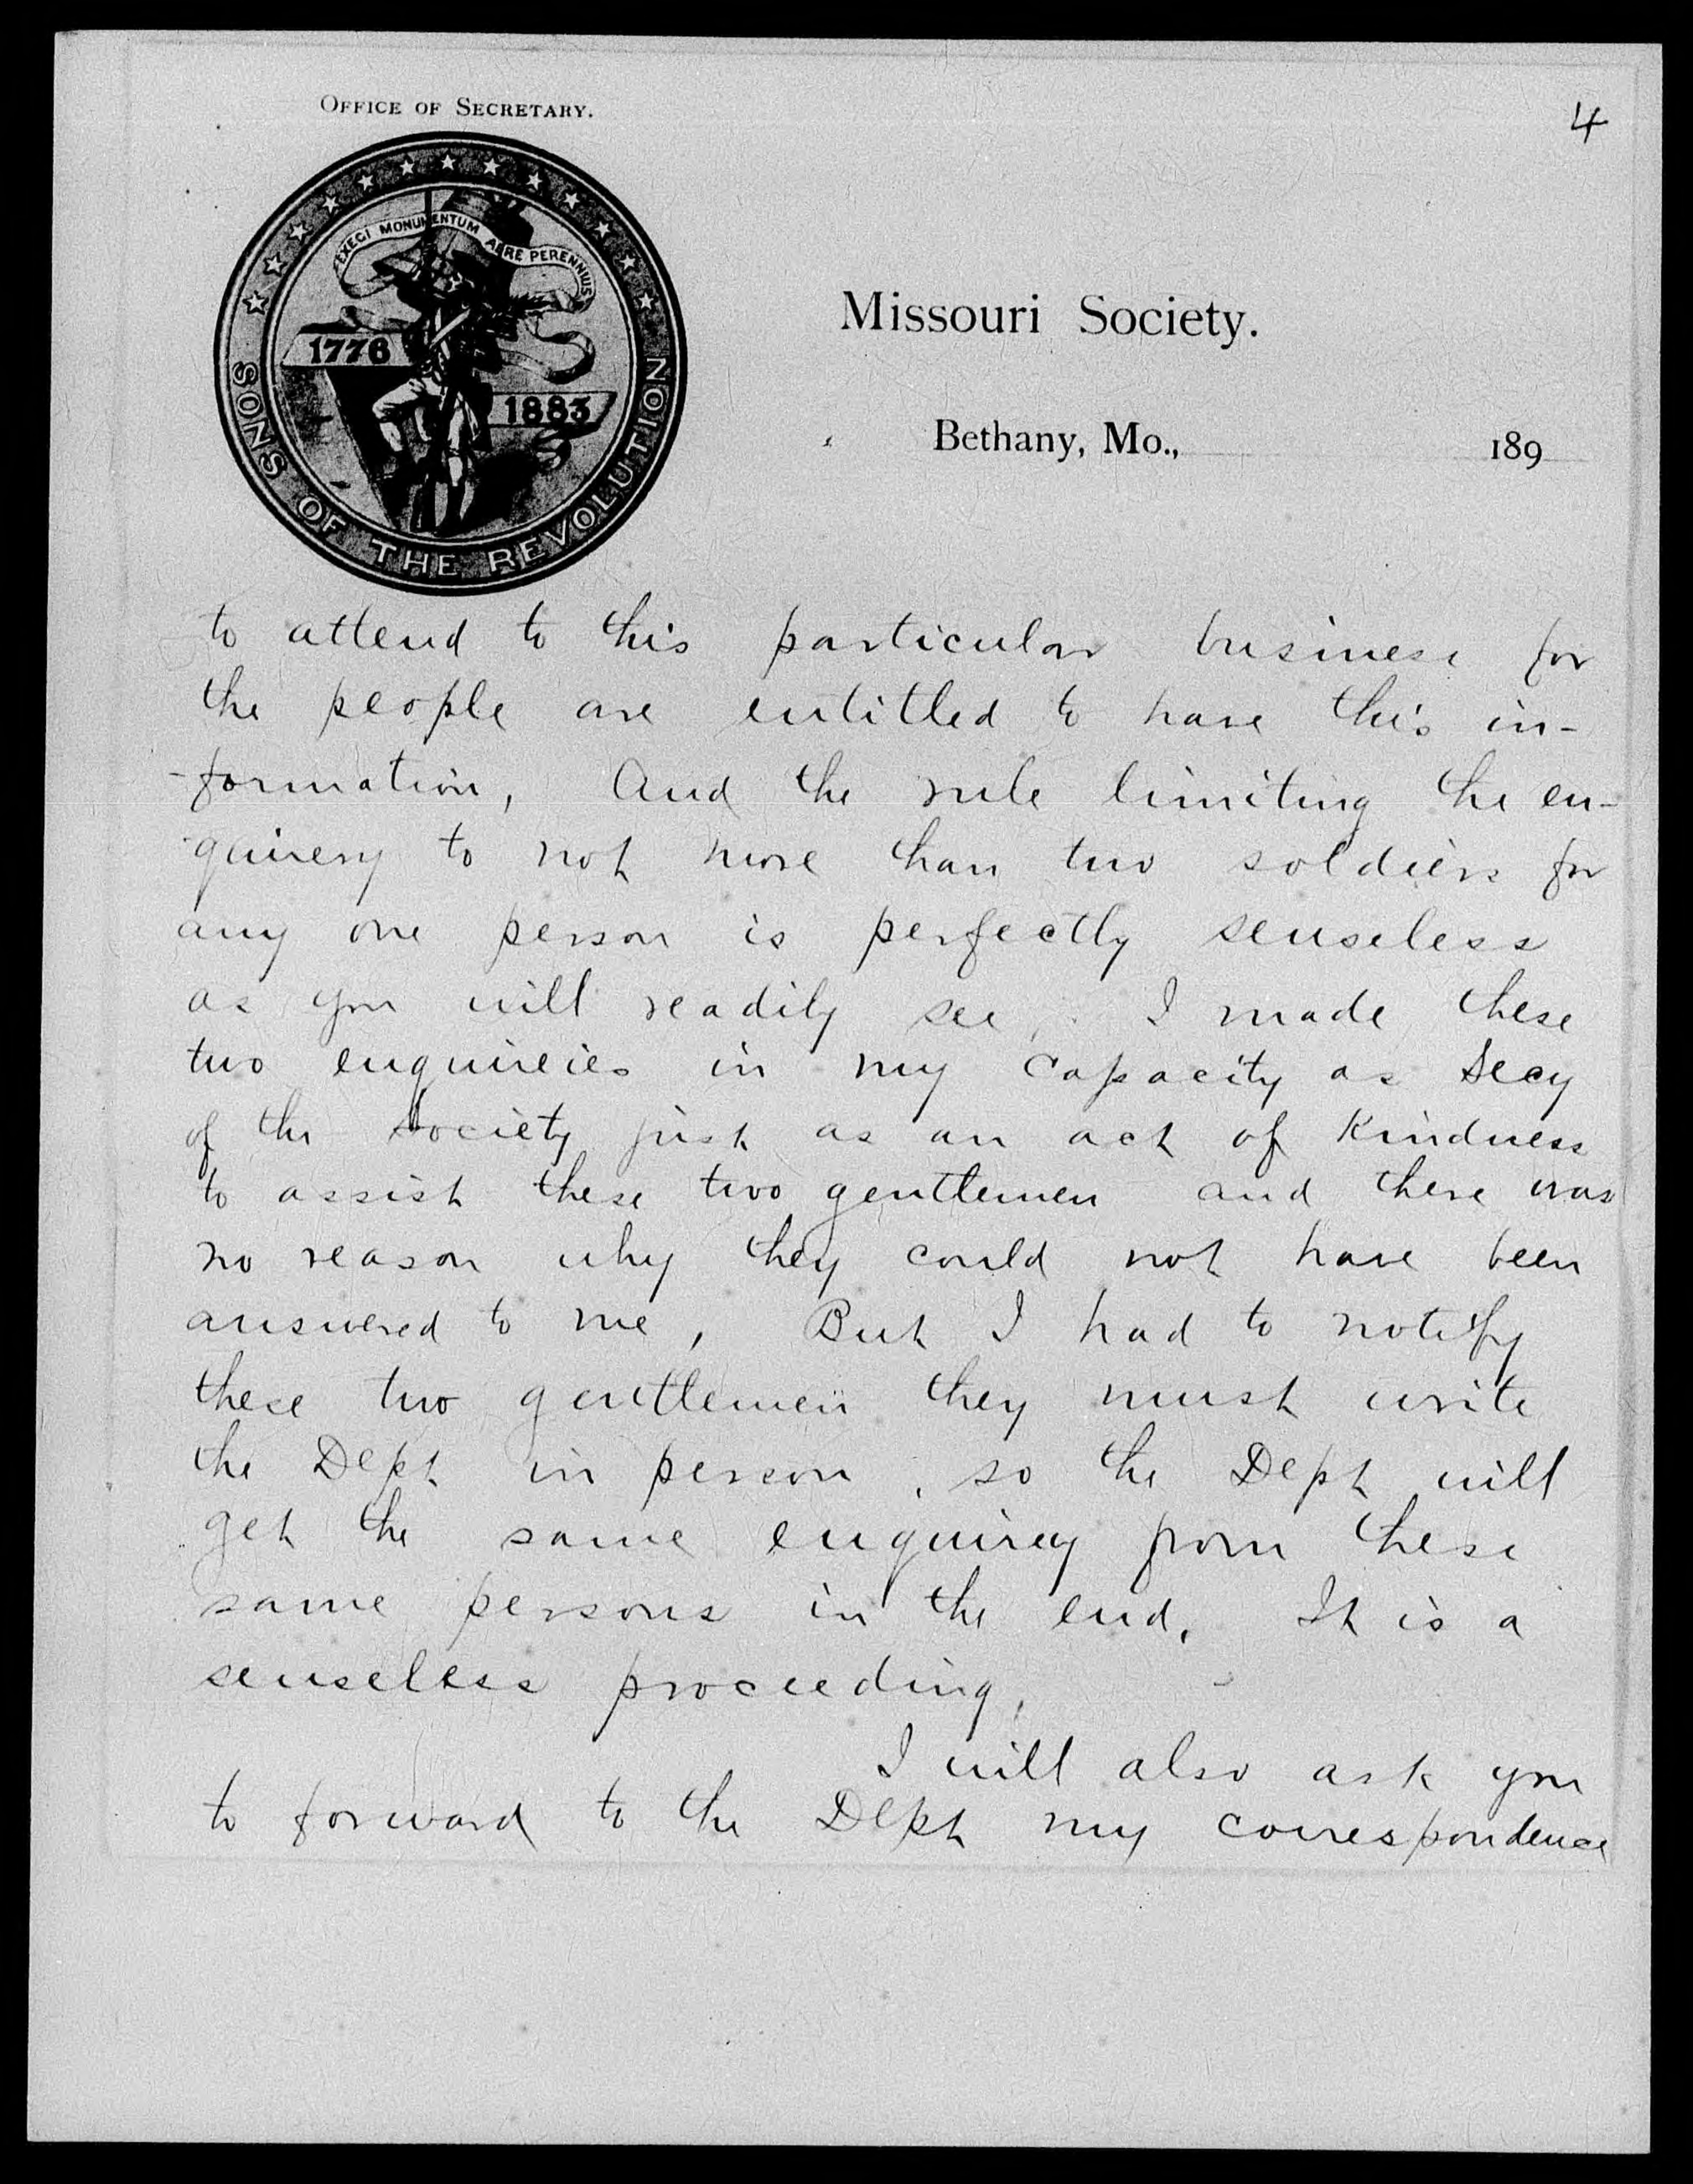Office of Secretary
[seal] SONS OF THE REVOLUTION 1776 1883
Missouri Society. Bethany, Mo., --- 189

to attest to this particular nonsense for the people are entitled to have information, And the rule limiting the enquiry to not more than two soldiers for any one person is perfectly senseless as you will readily see. I made these two requests in my capacity as Secy  [SECRETARY] of the Society just as an act of kindness to assist these two gentlemen and there was no reason why they could not have been assisted by me, But I have to notify these two gentlemen, they must write the Dept in person, so the Dept will get the same enquiry from these same persons in the end. It is a senseless proceeding.
I will also ask you to forward to the Dept my correspondence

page: 33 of 53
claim: widow's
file: W. 492, for Daniel Lamprey, New Hampshire